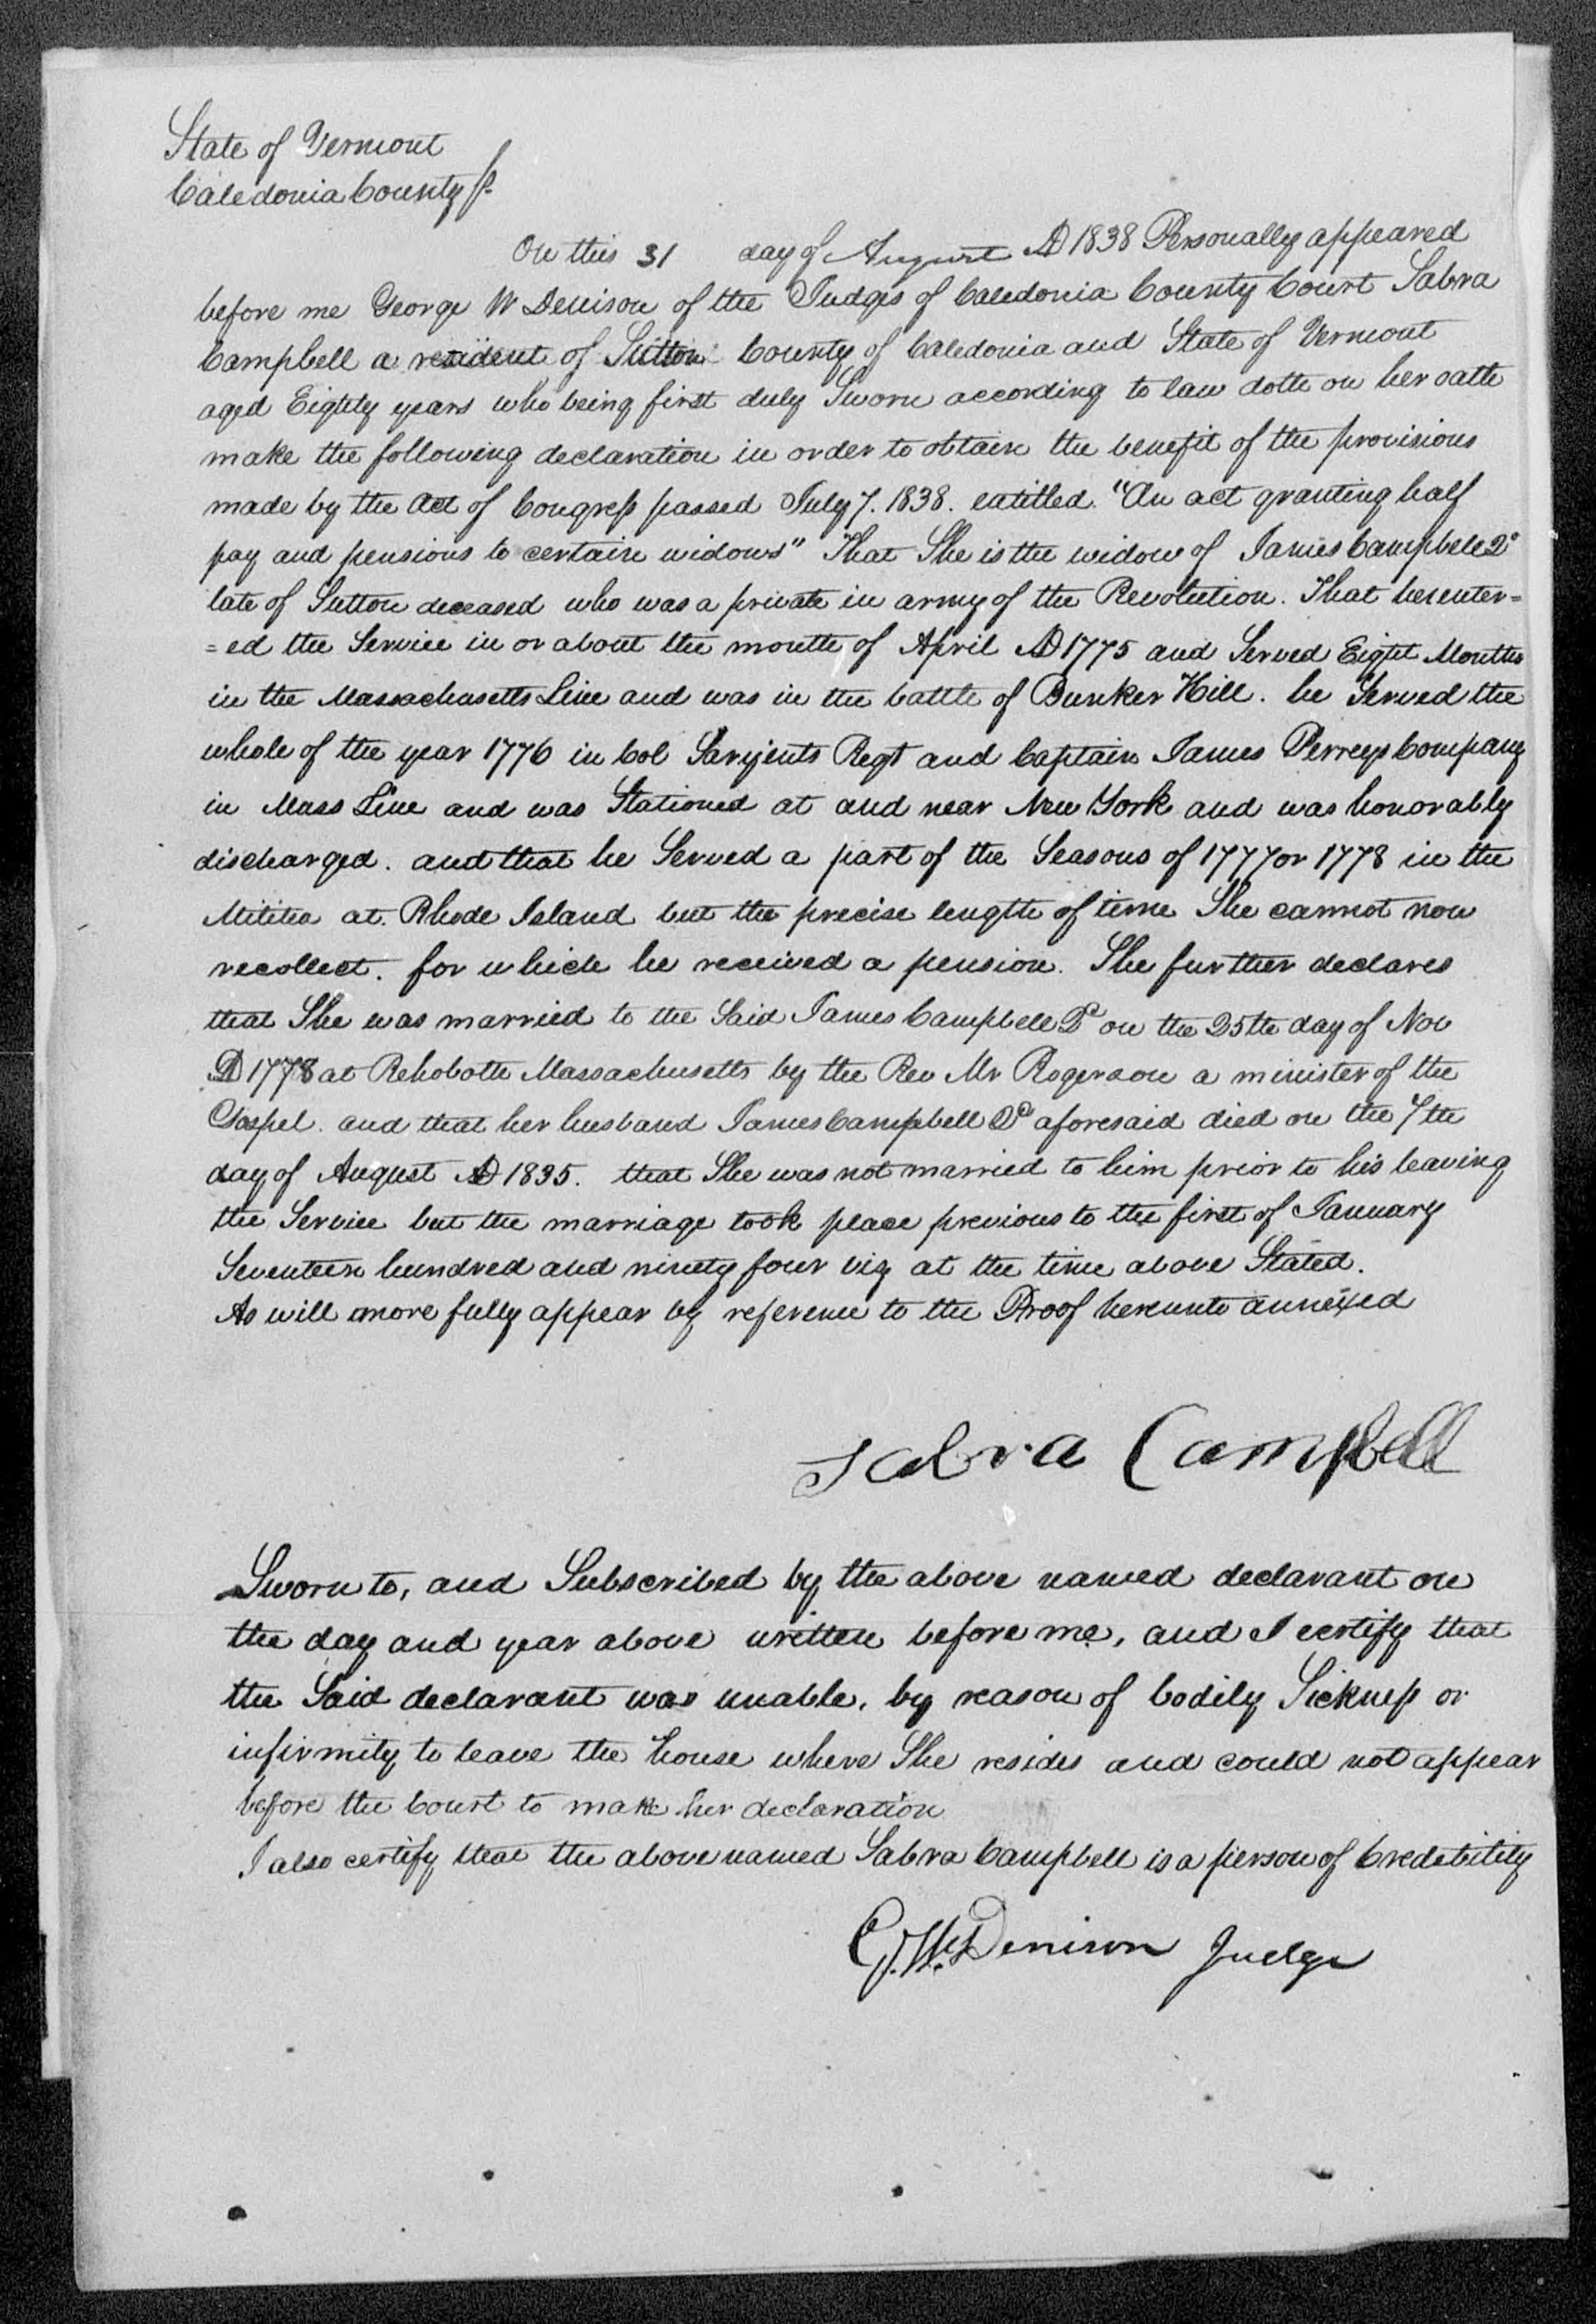State of Vermont
Caledonia County ss.

On this 31 day of August AD 1838 Personally appeared before me George W Denison of the Judges of Caledonia County Court Sabra
Campbell a resident of Sutton County of Caledonia and State of Vermont aged Eighty years who being first duly sworn according to law doth on her oath make the following declaration in order to obtain the benefit of the provisions made by the Act of Congress passed July 7. 1838. entitled "An act granting half pay and pensions to certain widows"" That She is the widow of James Campbell late of Sutton deceased who was a private in army of the Revolution. That he entered the Service in or about the month of April AD 1775 and Served Eight Months in the Massachusetts Line and was in the battle of Bunker Hill. he served the whole of the year 1776 in Col Sargents Regt and Captain James Perrys Company in Mass Line and was Stationed at and near New York and was honorably discharged. and that he Served a part of the seasons of 1777 or 1778 in the Militia at Rhode Island but the precise length of time she cannot now
recollect. for which he received a pension. She further declares that she was married to the said James Campbell 2d on the 25th day of Nov AD 1778 at Rehoboth Massachusetts by the Rev Mr Rogerson a minister of the
Gospel. and that her husband James Campbell 2d aforesaid died on the 7th day of August AD 1835. that She was not married to him prior to his leaving the Service but the marriage took place previous to the first of January Seventeen hundred and ninety four viz at the time above Stated. As will more fully appear by reference to the Proof hereunto annexed

Sabra Campbell

Sworn to, and Subscribed by the above named declarant on the day and year above written before me, and I certify that the Said declarant was unable, by reason of bodily Sickness or
infirmity to leave the house where She resides and could not appear before the Court to make her declaration
I also certify that the above named Sabra Campbell is a person of Credibility
G. W. Denison Judge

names: Sabra Campbell, Sabra Campbell, James Campbell, George W Denison, James Campbell, G W Denison, Sabra Campbell, James Campbell, Rogerson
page: 12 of 67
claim: widow's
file: W. 23772, James Campbell, Continental Mass.